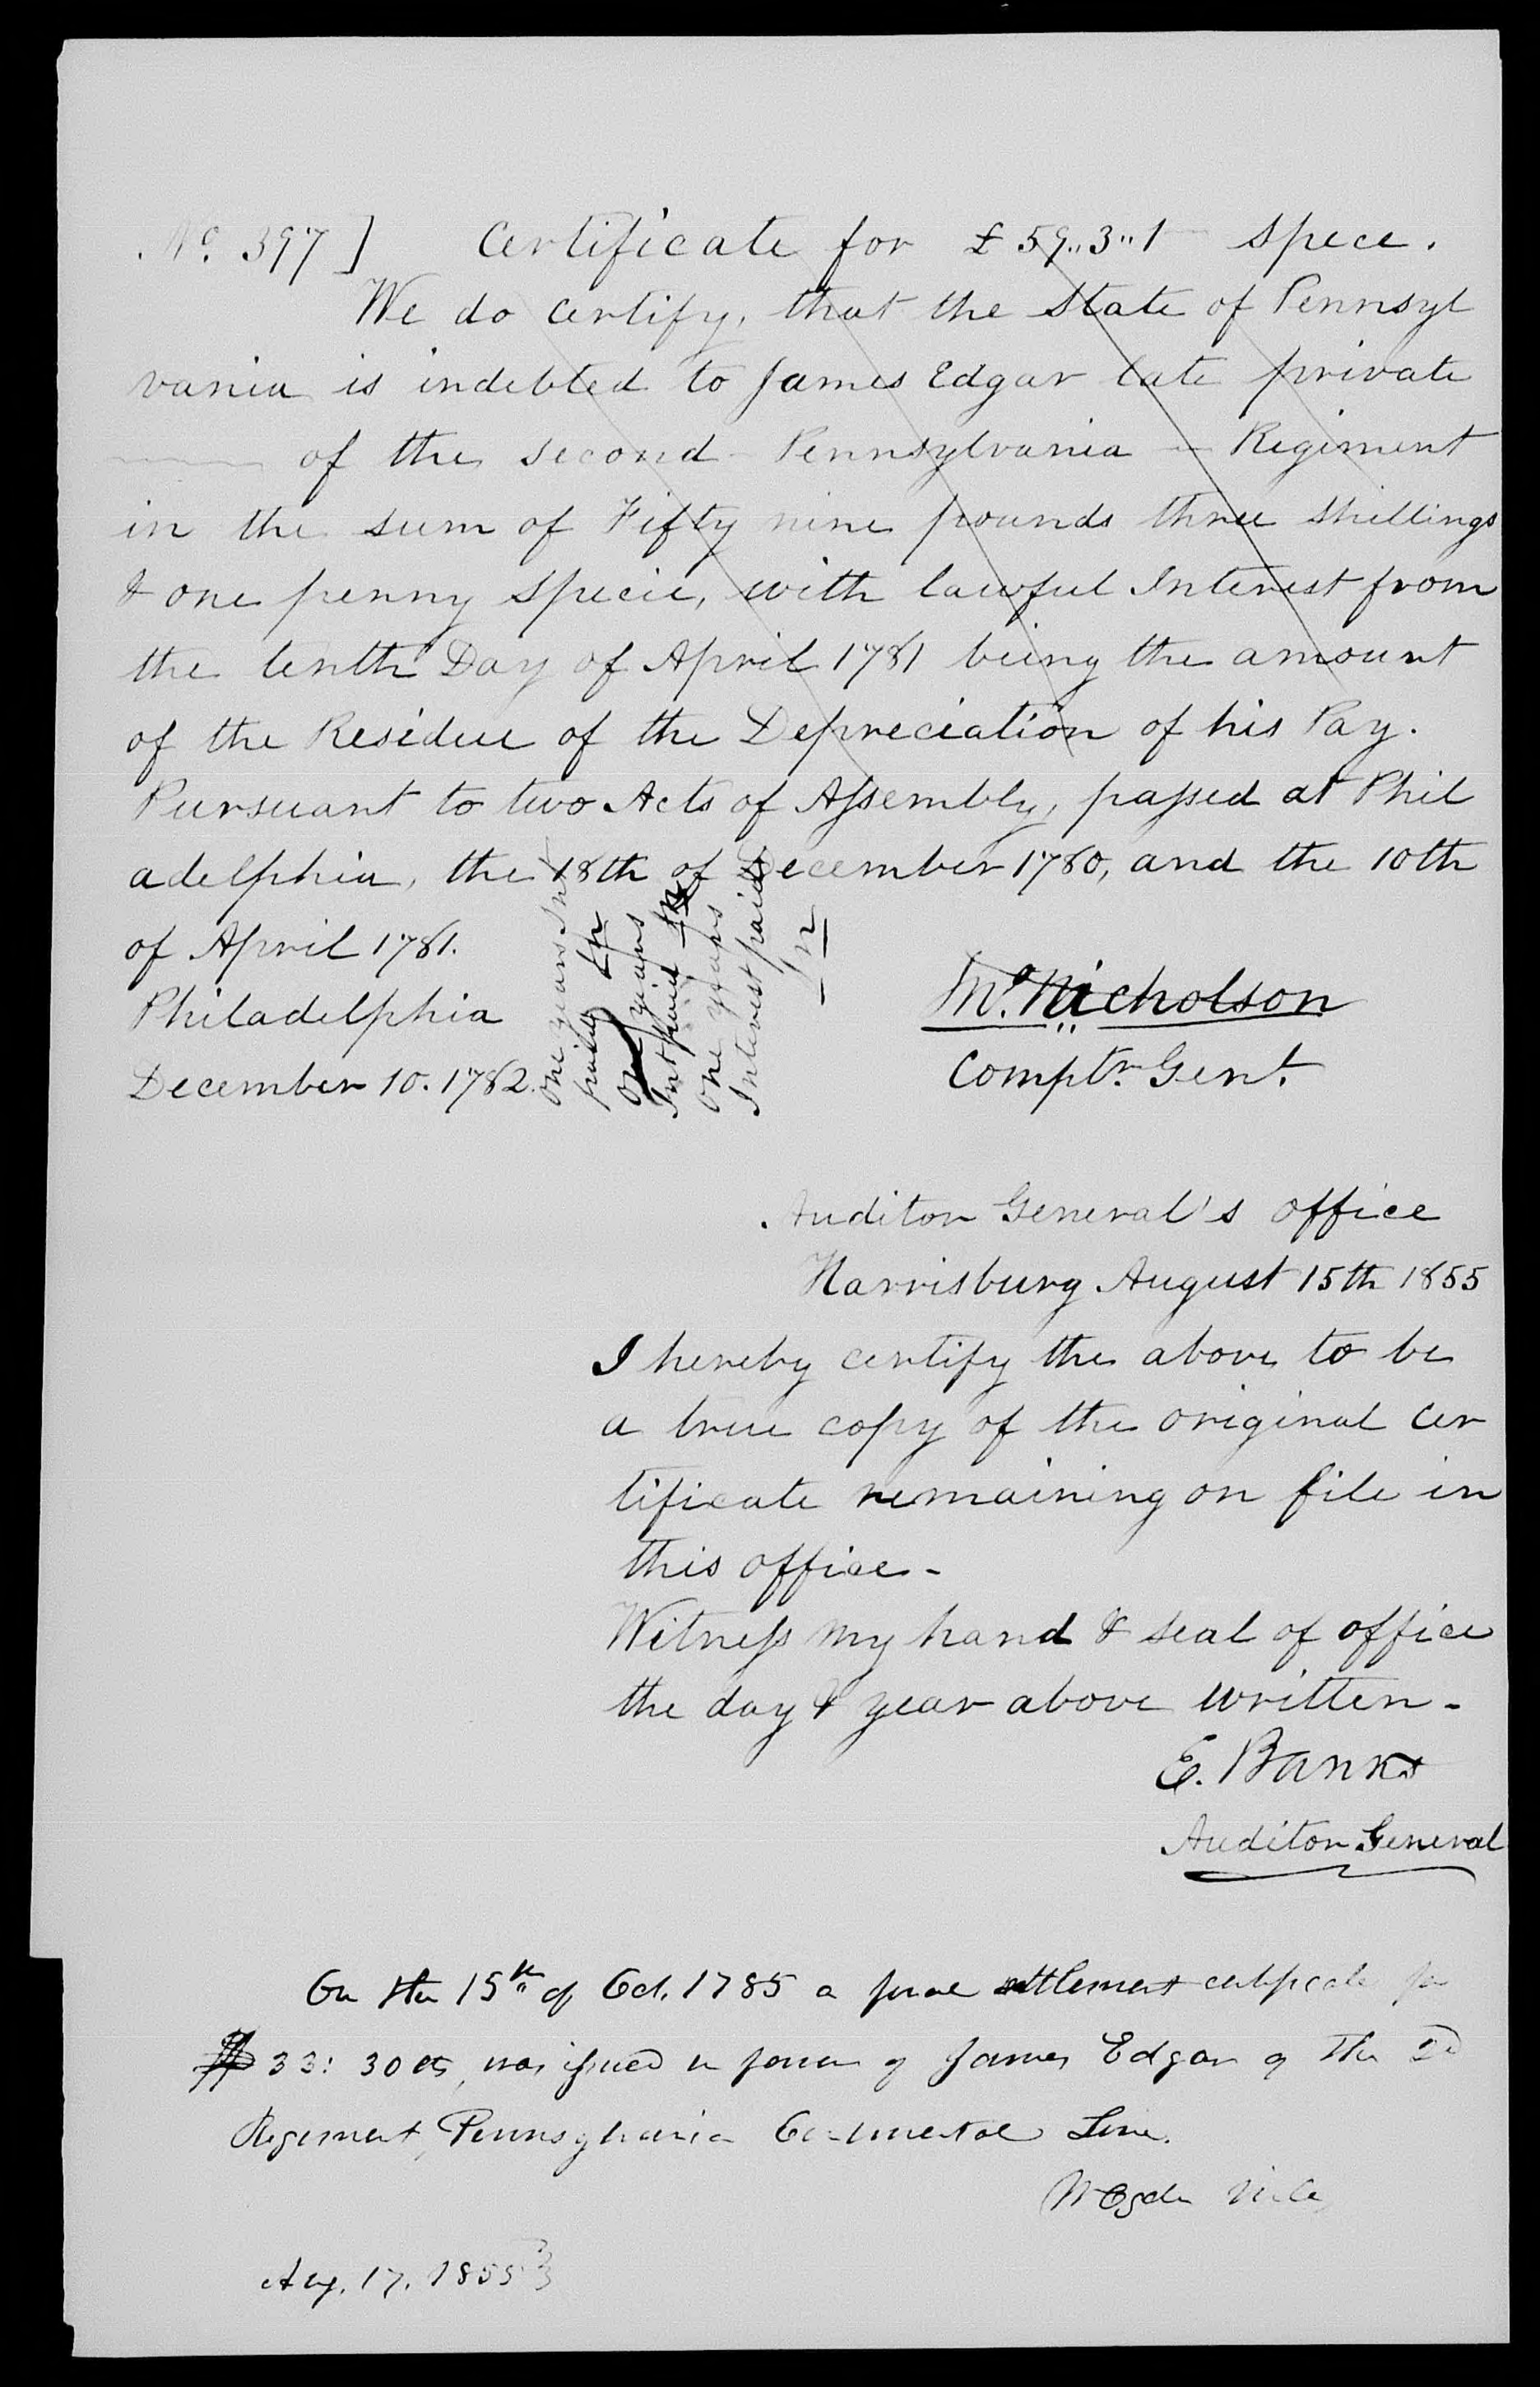No 397
certificate for £59..3, 1 spece,
We do certify, that the State of Pennsyl
vania is indebted to James Edgar late private
---
of the second Pennsylvania Regiment
in the sum of Fifty nine pounds three shillings
& one penny Specie, with lawful Interest from
the tenth Day of April 1781 being the amount
of the Residue of the Depreciation of his Pay.
Pursuant to two Acts of Assembly, passed at Phil
adelphia, the 18th of December 1780 and the 10th
of April 1781.
Philadelphia
December 10, 1782.
Jno Nicholson
Compt. Genl.

One years int
paid for one year
Int paide
One years
Interest Paid

Auditor General's office
Harrisburg August 15th 1855
I hereby certify the above to be
a true copy of the original certificate remaining on file in ┃
this office.
Witness my hand & seal of office
the day & year above written.
E. Banns
Auditor General

On the 15th of Oct. 1785 a final settlement certificate for
$33.30 cts was issued in favor of James Edgar of the 2d
Regiment Pennsylvania Continental Line
W O Niles
Aug. 17, 1855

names: E Banns, W Ogden Niles, James Edgar, Jno Nicholson, James Edgar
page: 63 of 74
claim: widow's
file: W. 9422, James Edgar, Penn.